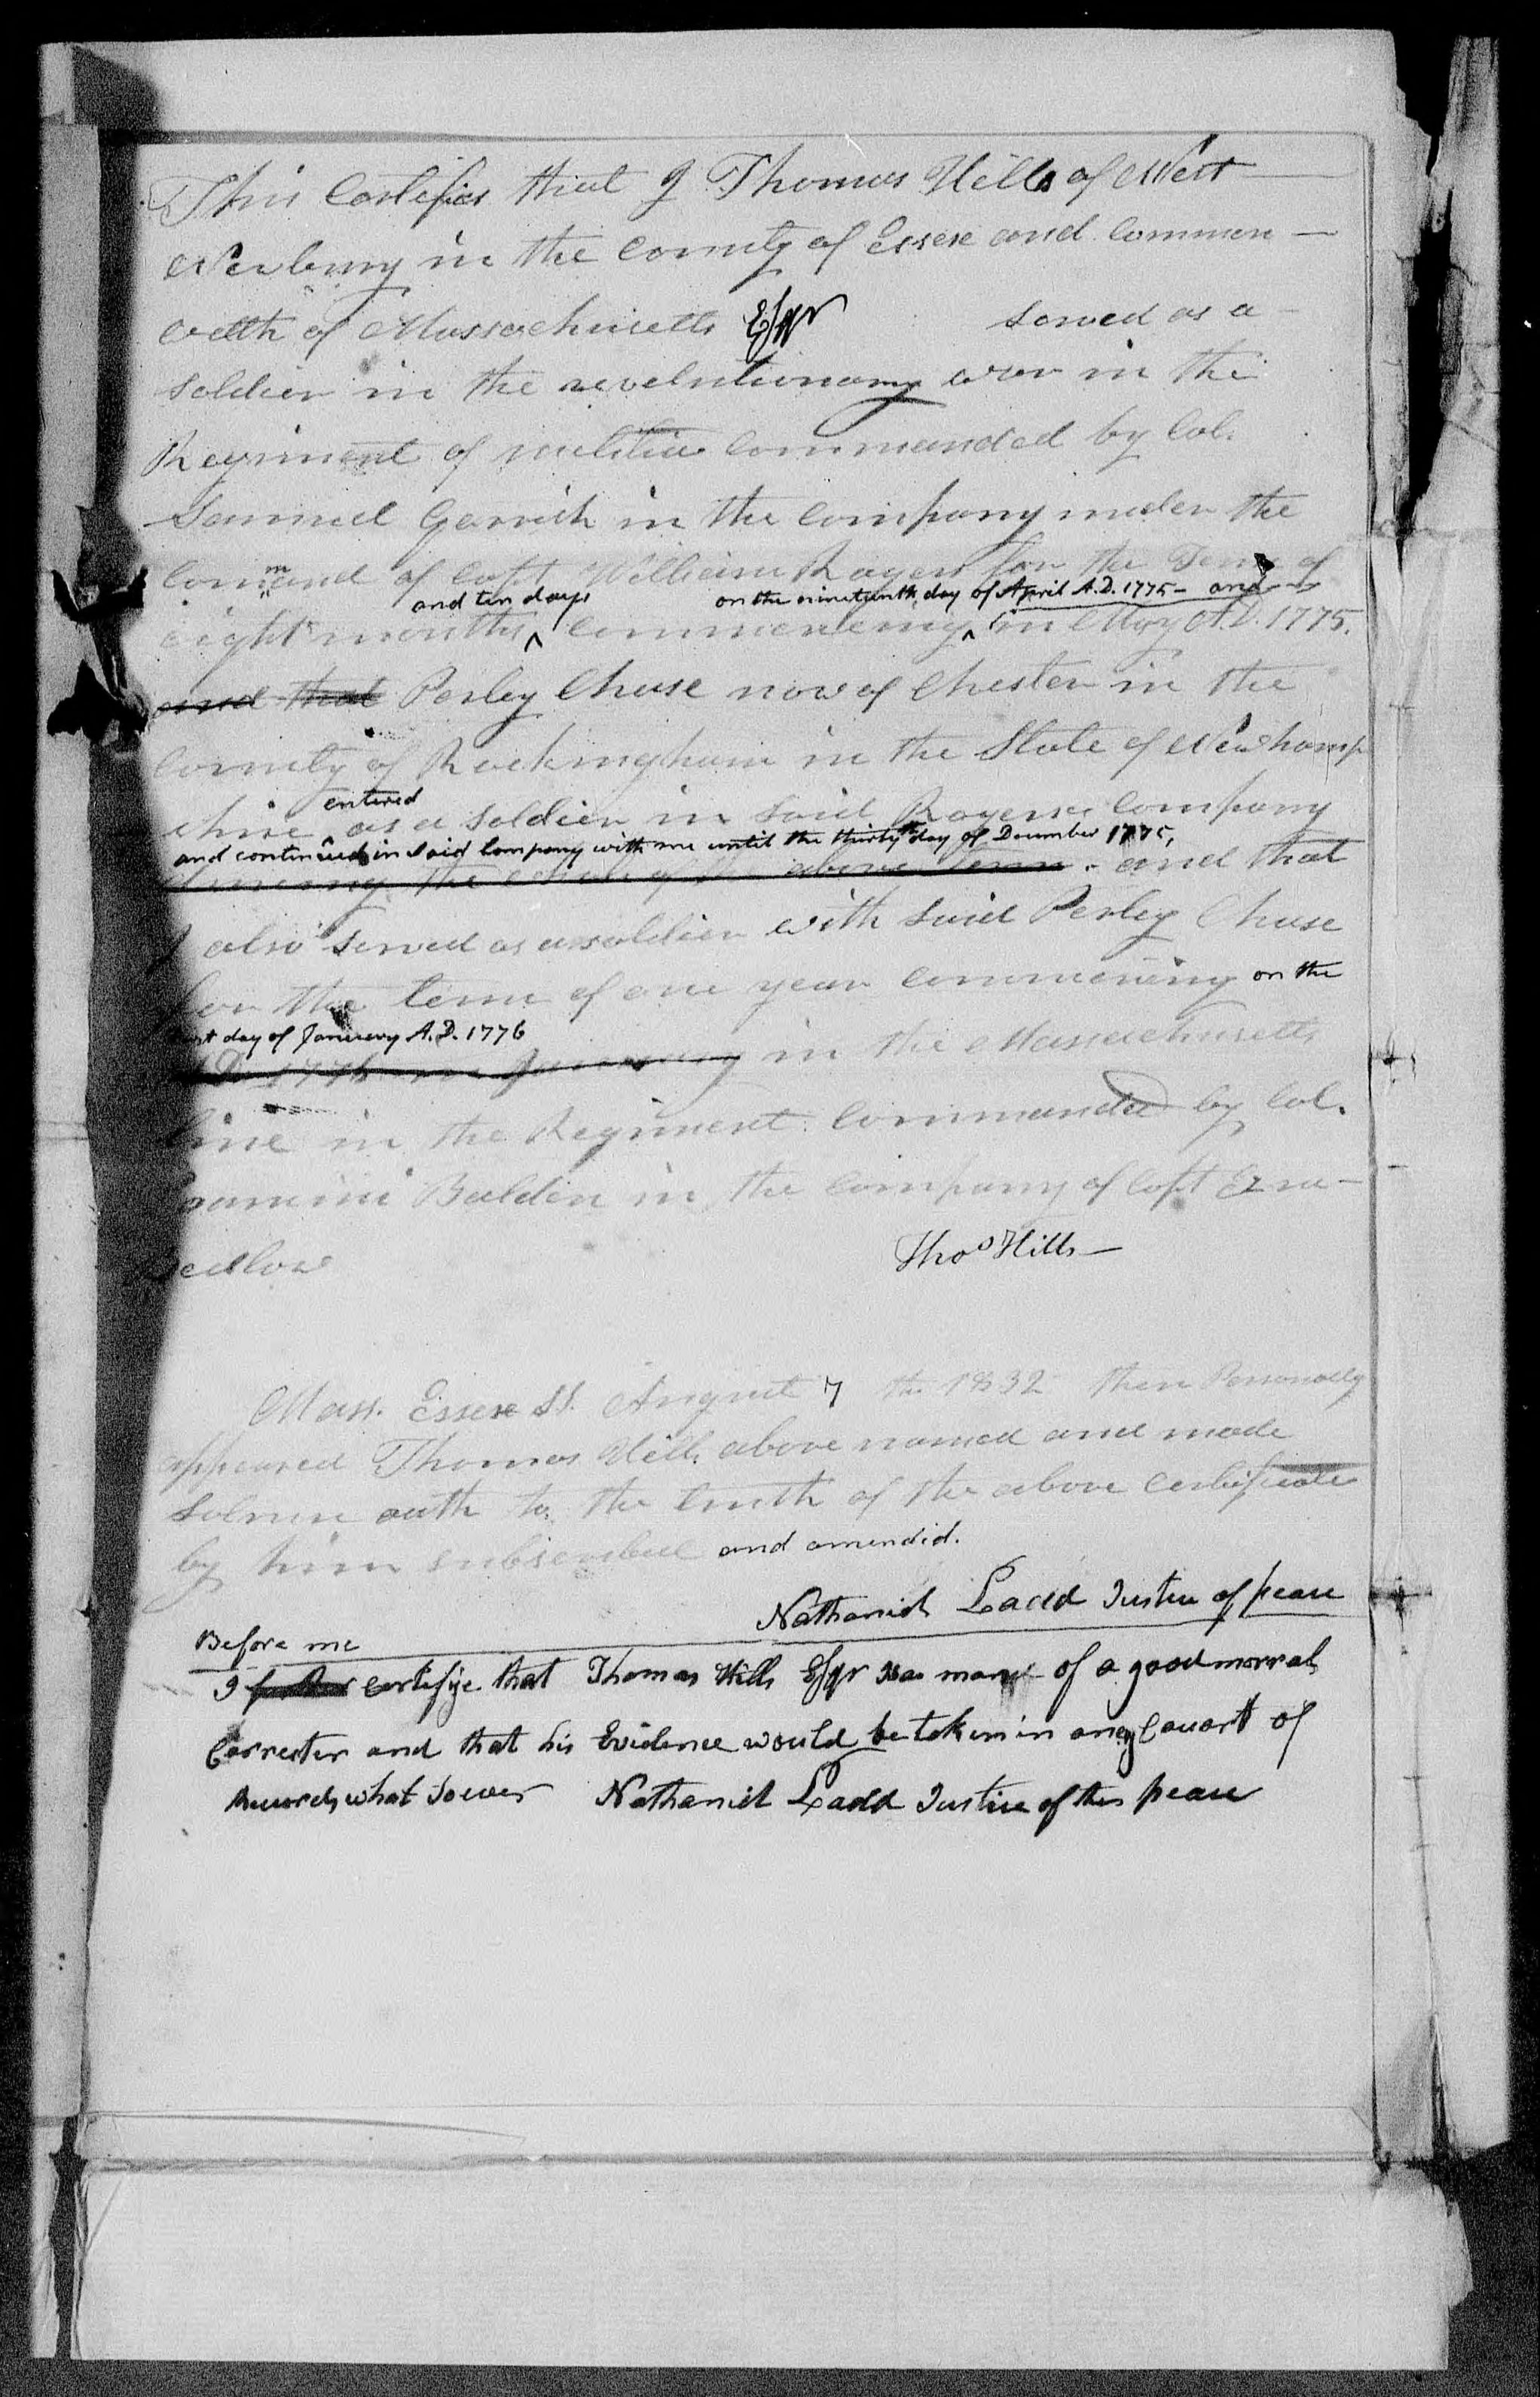This certifies that I Thomas Hills of West
Newberry in the County of Essex and Commonwealth
of Massachusetts (initials) served as a
soldier in the revolutionary war in the
Regiment of militia commanded by Col.
Samuel Garrick in the company under the
command of Capt William Roger's for the term of
Eight months and ten days commencing on the nineteenth day of
April A.D. 1775--and in 1 May A.D. 1775.
Perley Chase now of Chester in the
County of Rockingham in the State of New Hampshire
entered as a soldier in said Rogers company
and continued in said Company with me until the thirtieth day of
December 1775, and that
I also served as a soldier with said Perley Chase
for the time of one year commencing on the
first day of January A.D. 1776 in the Massachusetts
line in the Regiment commanded by Col.
Loammi Baldin in the company of Capt. Ezra Bedlow.
Thos Hills

Mass. Essex S. S. August 7th 1832 then Personally
appeared Thomas Hill above named and made
solemn oath to the truth of the above certificate
by him subscribed and amended.
Before me
Nathaniel Ladd Justice of peace
I certify that Thomas Hills (illegible) is a man of good moral
Character and that his Evidence would be taken in any court of
Record what (illegible).  Nathaniel Ladd Justice of the Peace

---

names: Perley Chase, Thomas Hills, Nathaniel Ladd, Thomas Hills, Samuel Gerrish, Loammi Baldin, William Rogers, Nathaniel Ladd, Thomas Hills, Thos Hills, Perley Chase, Ezra Bedlow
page: 17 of 24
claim: survivor's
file: S. 17879, Perley Chase, Continental Mass.